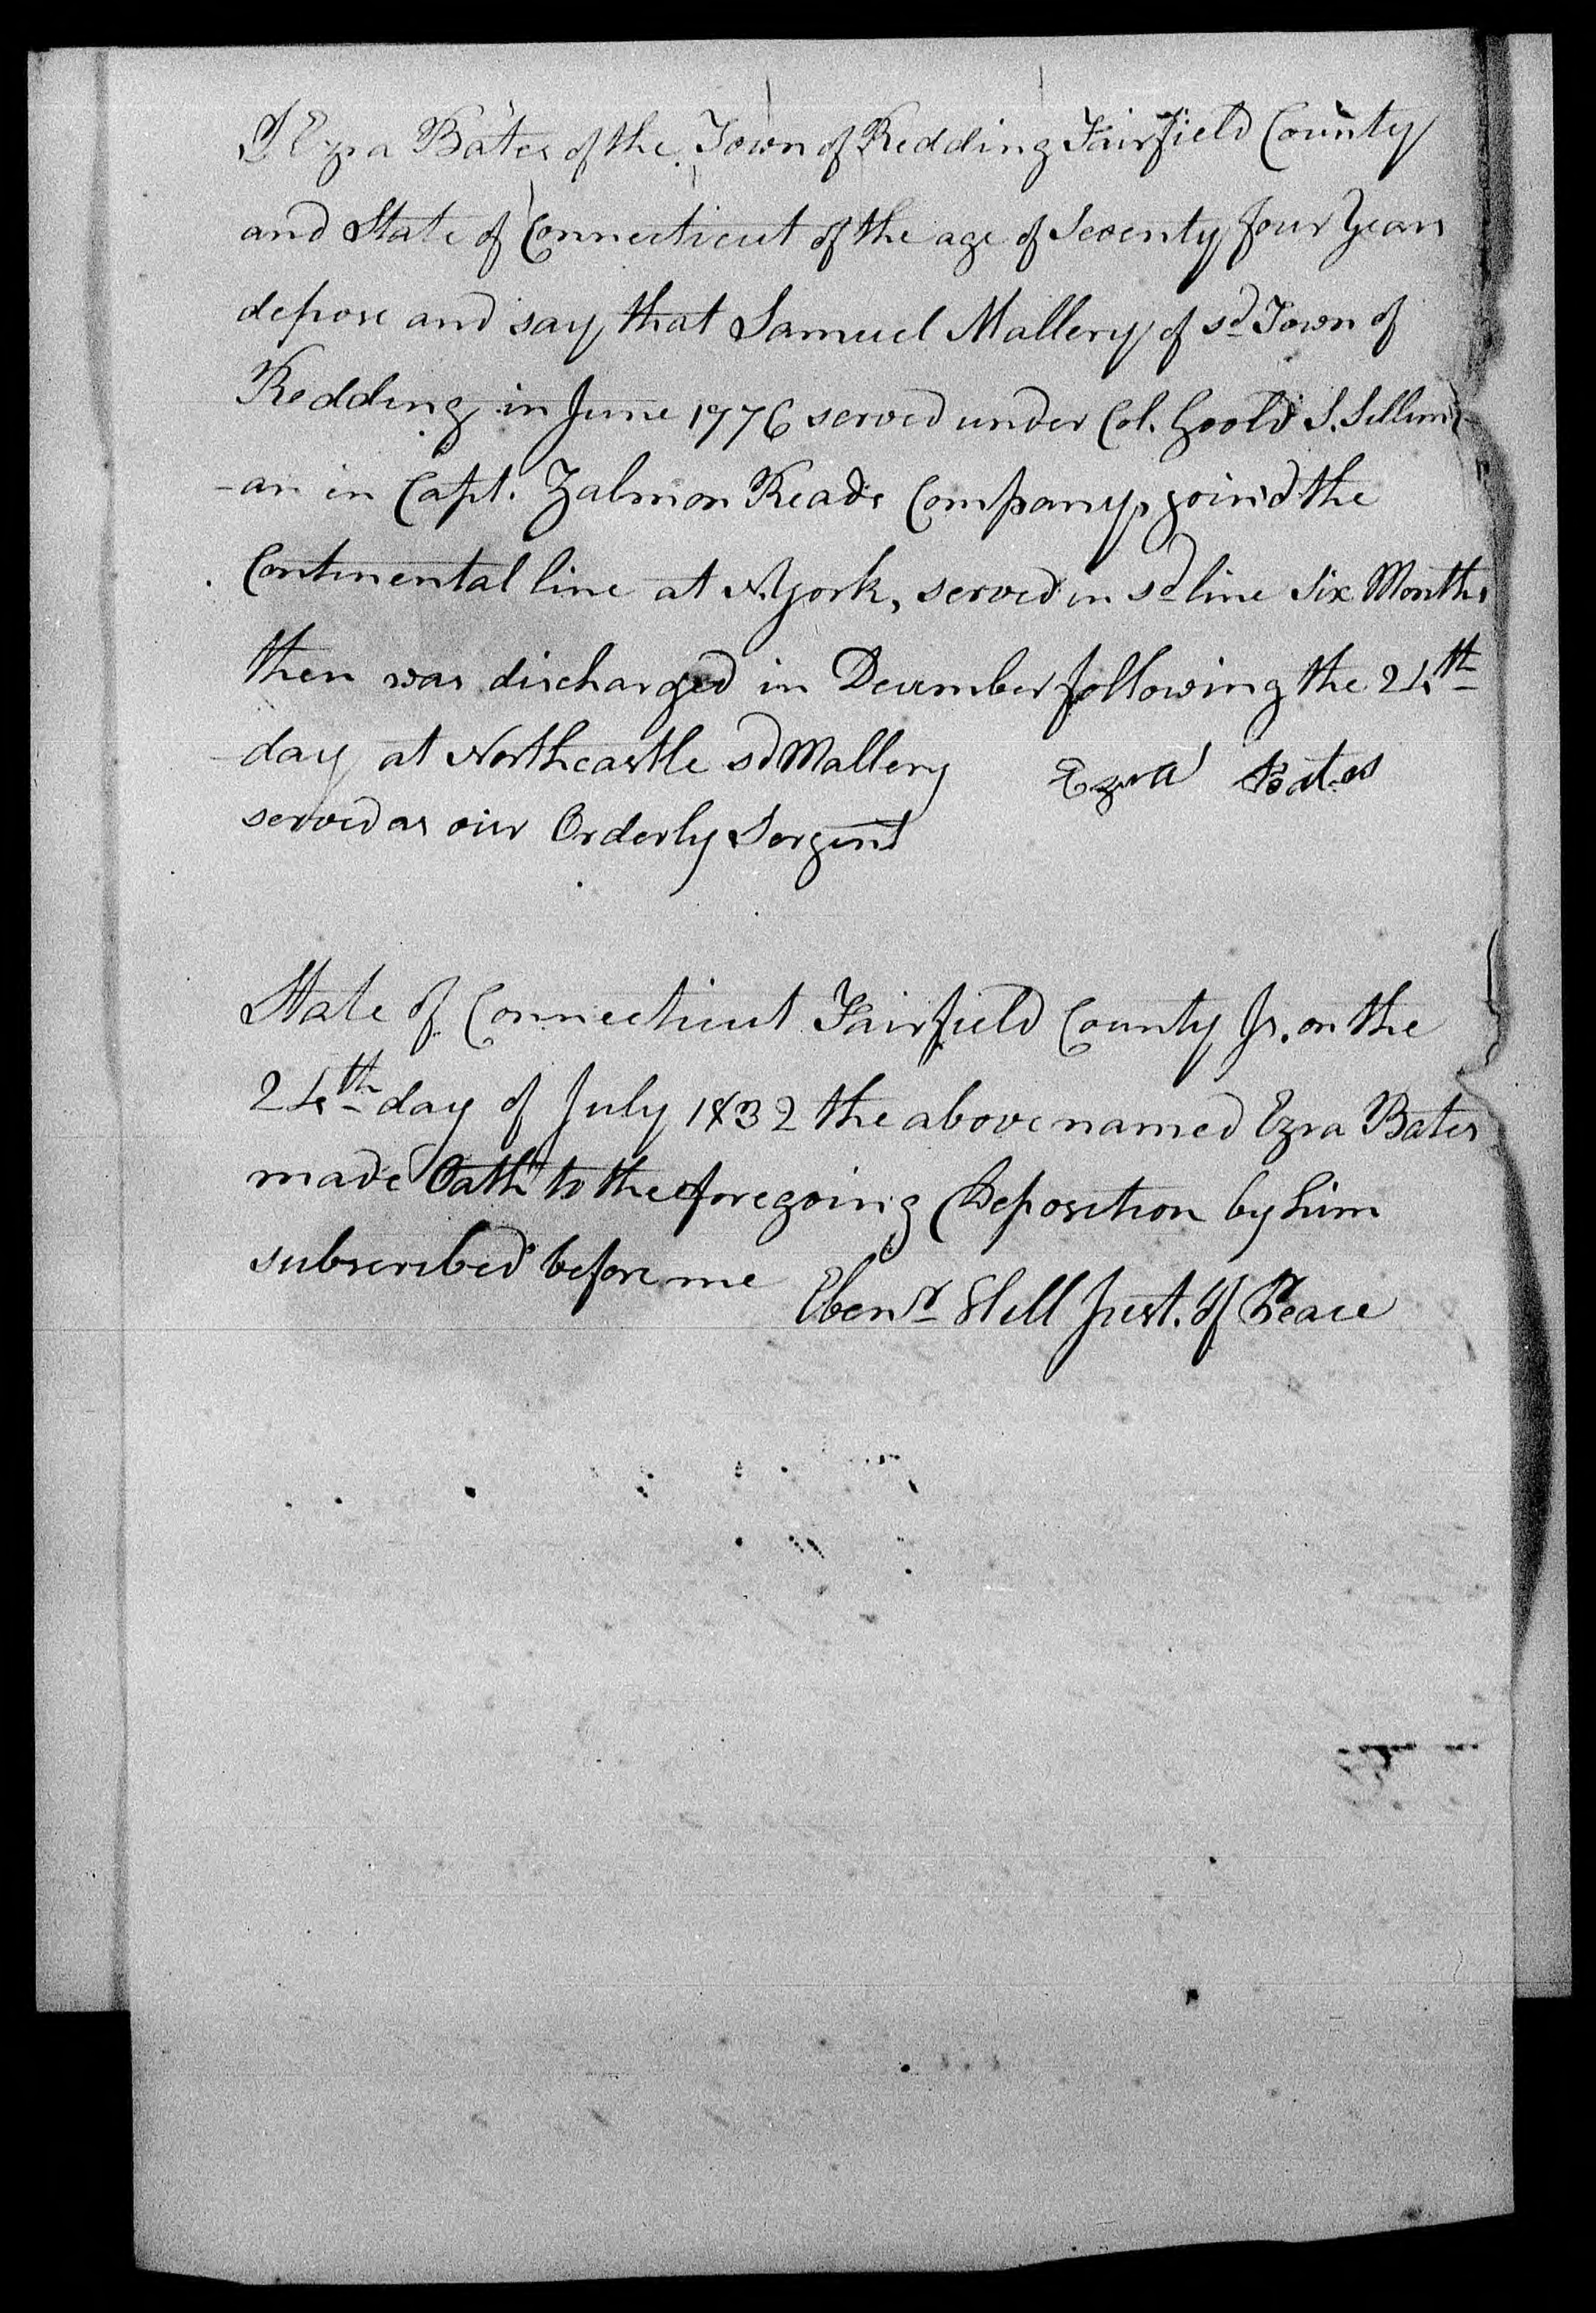I Ezra Bates of the Town of Redding Fairfield County and State of Connecticut of the age of Seventy four years depose and say that Samuel Mallery of said Town of Redding in June 1776 served under Col. Gold S Sillaman in Capt. Zalmon Reads Company, joined the Continental line at N. York, served in said line six months then was discharged in December following the 24th day at North Castle said Mallery served as our Orderly Sargent. 
Ezra Bates 
State of Connecticut in Fairfield County Ss. on the 24th day of July 1832 the above named Ezra Bates made oath to the foregoing Deposition by him subscribed before me. 
Ebenr Hill Just of Peace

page: 15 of 29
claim: survivor's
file: S. 23,312, for Samuel Mallery, Connecticut